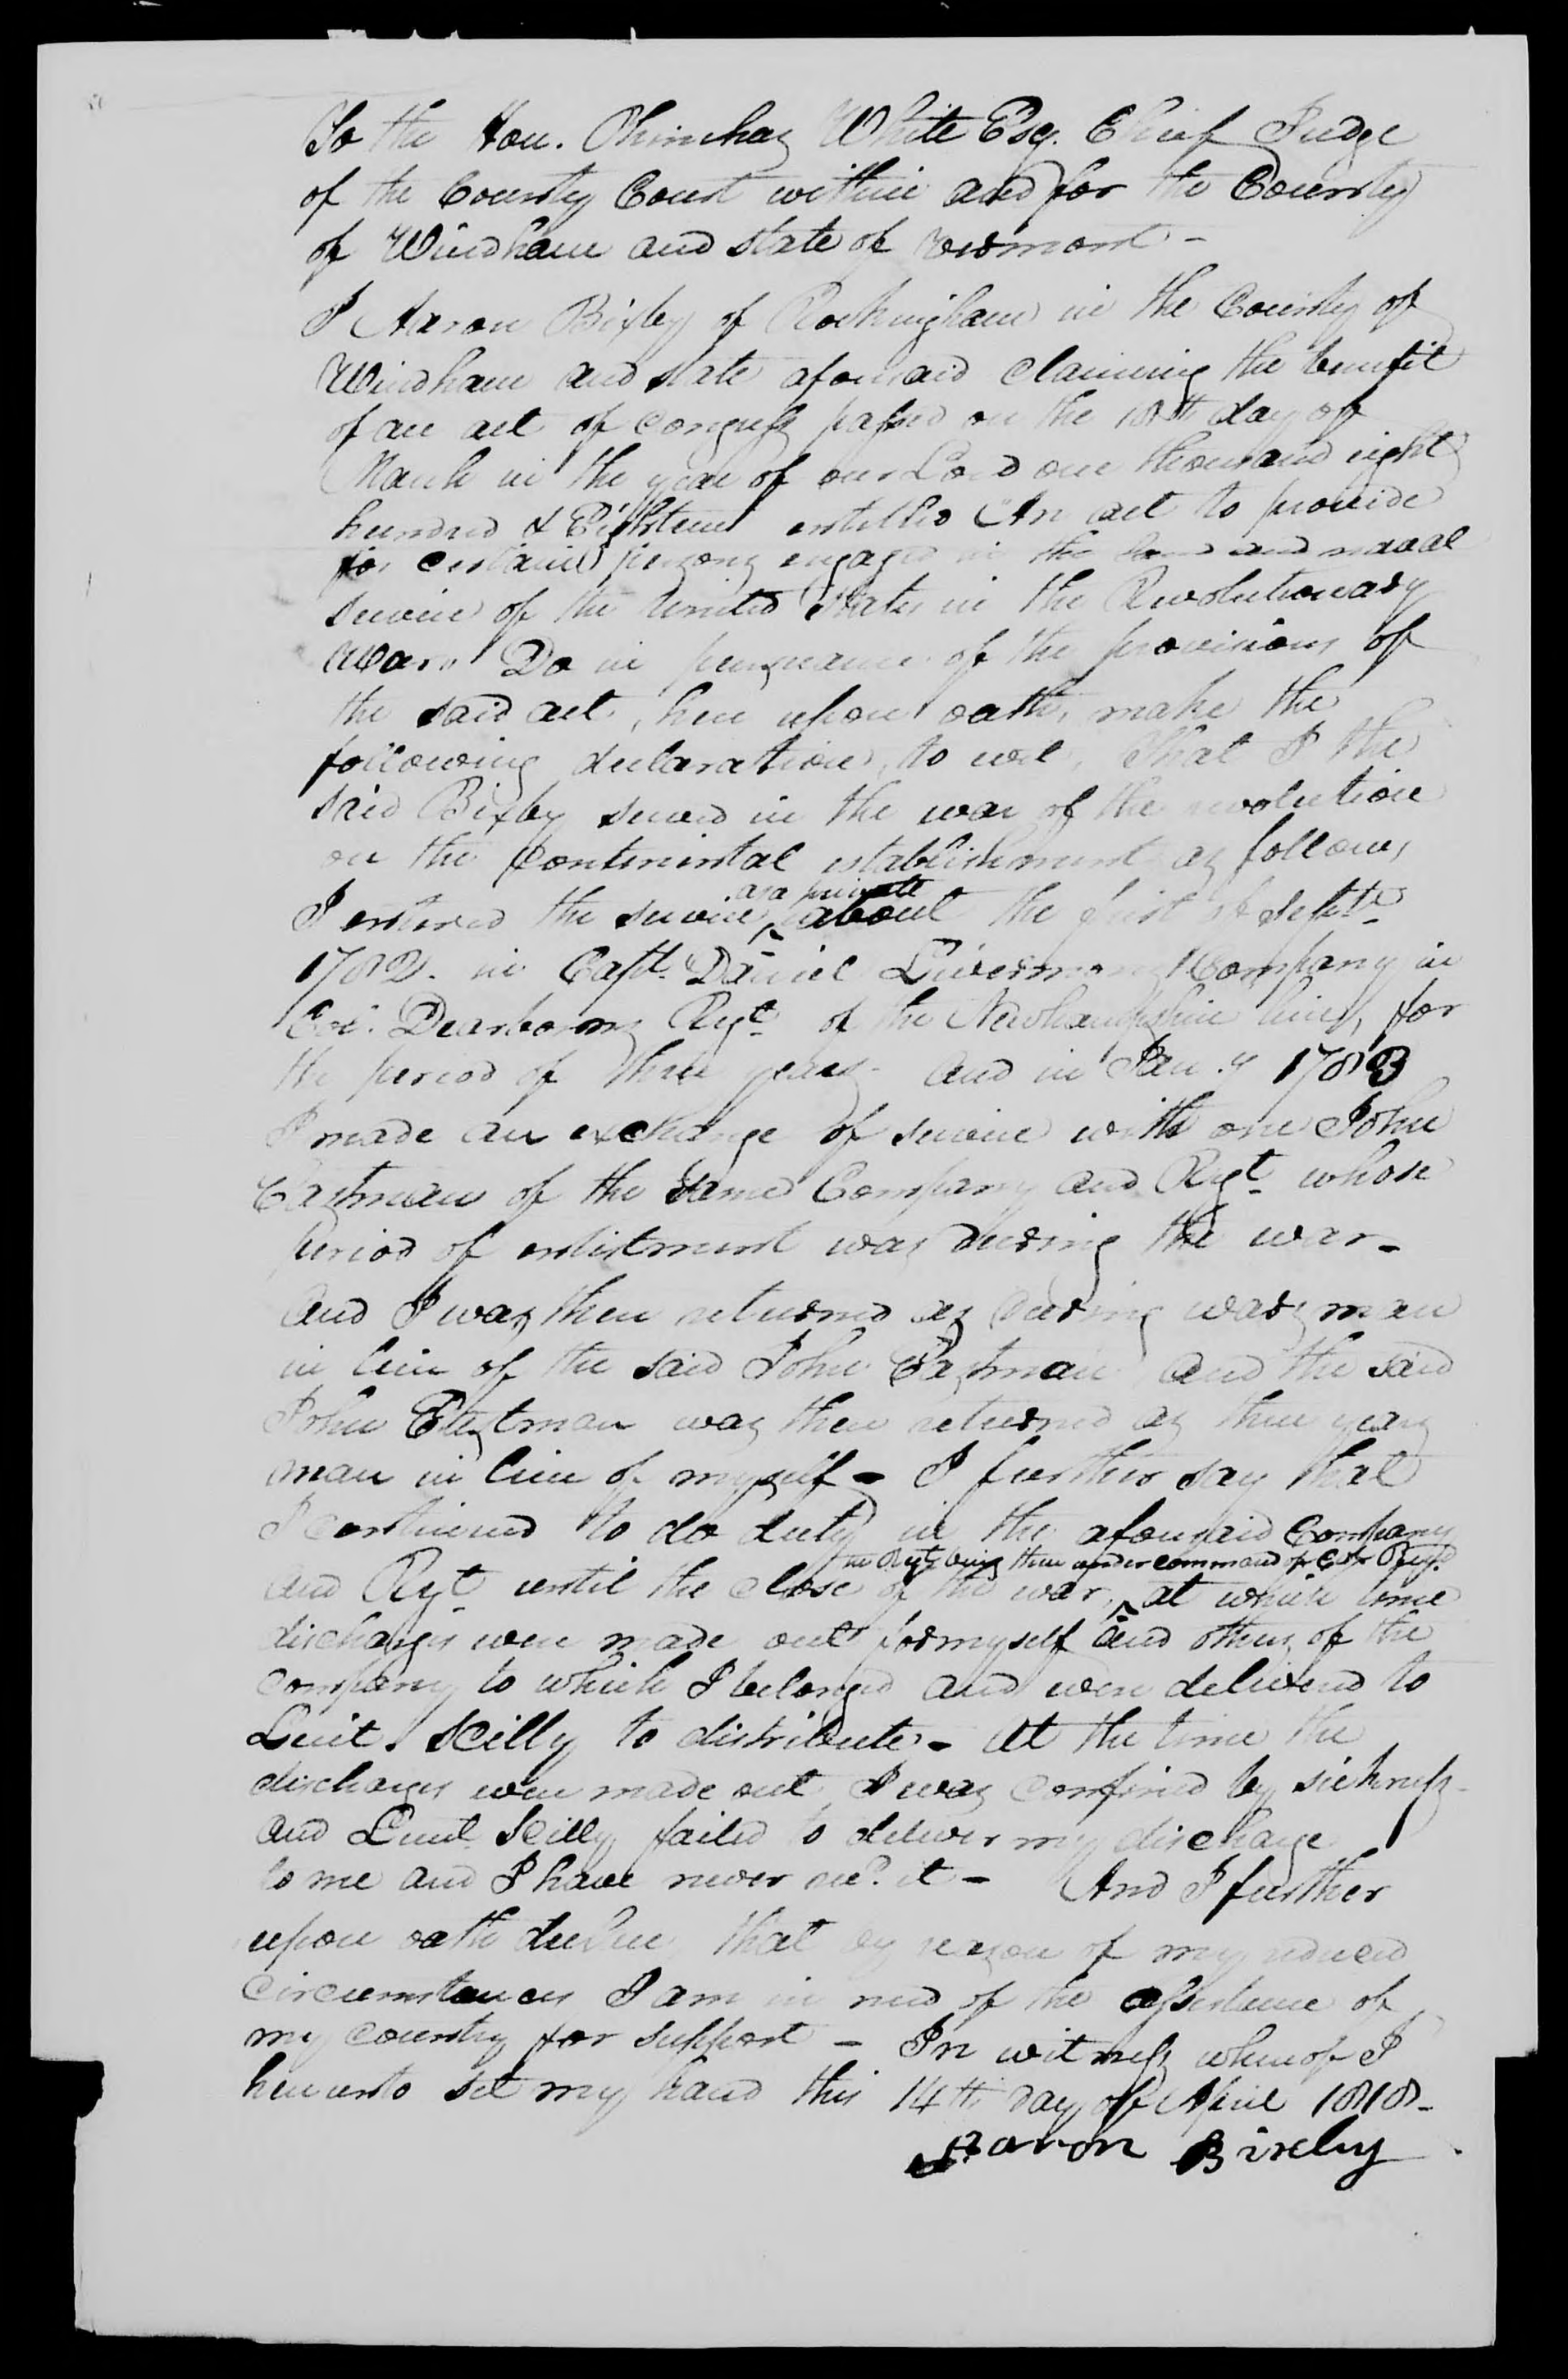To the Hon. Phinehas White Esq. Chief Judge of the County Court within [illegible] for to County of Windham and state of Vermont -
I Aaron Bixley of Rockingham in the County of Windham and state aforesaid claiming the benefit of an act of congress passed on the 18th day of March in the year of our Lord one thousand eight hundred & Eighteen entitled An act to provide for certain persons engaged in the land and naval service of the United States in the Revolutionary War.  Do in pursuence of the provisions of the said act, have upon oath, make the following declaration, to wit, That of the said Bixby served in the war of the revolution on the continental establishment, as follows, I entered the service as a private about the first of Sept 1782. in Capt. David [illegible] Company in Col. Dearborns Reg.t of the Newhampshire line, for the period of three years .  And in Jan.y 1783 I made an exchange of service with one John Eastman of the same Company and Reg.t whose period of enlistment was during the war.  And I was then returned [illegible] during was man in line of the said John Eastman and the said John Eastman was then returned as three years man in line of myself - I further say that I continued to do duty in the aforesaid Company and Reg.t until the close of the war, the Regt being those under command of Col. B[illegible] at which time discharges were made out for myself and others, of the company to which I belonged and was delisted to Lieut. Scilly to distribute.  At the time the discharges were made out I was confined by sickness  and Lieut Scilly failed to deliver my discharge to me and I have never rec.d it -  And I further upon oath declare that by reason of my reduced circumstances I am in need of the assistance of my country for support - In witness whereof I herunto set my hand this 14th day of April 1818.
[signed on right] Aaron Bixley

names: John Eastman, John Eastman, Aaron Bixby, John Eastman, Phinehas White, Aaron Bixby, Bixby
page: 3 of 17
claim: survivor's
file: S 41436, Aaron Bixby, N.H.